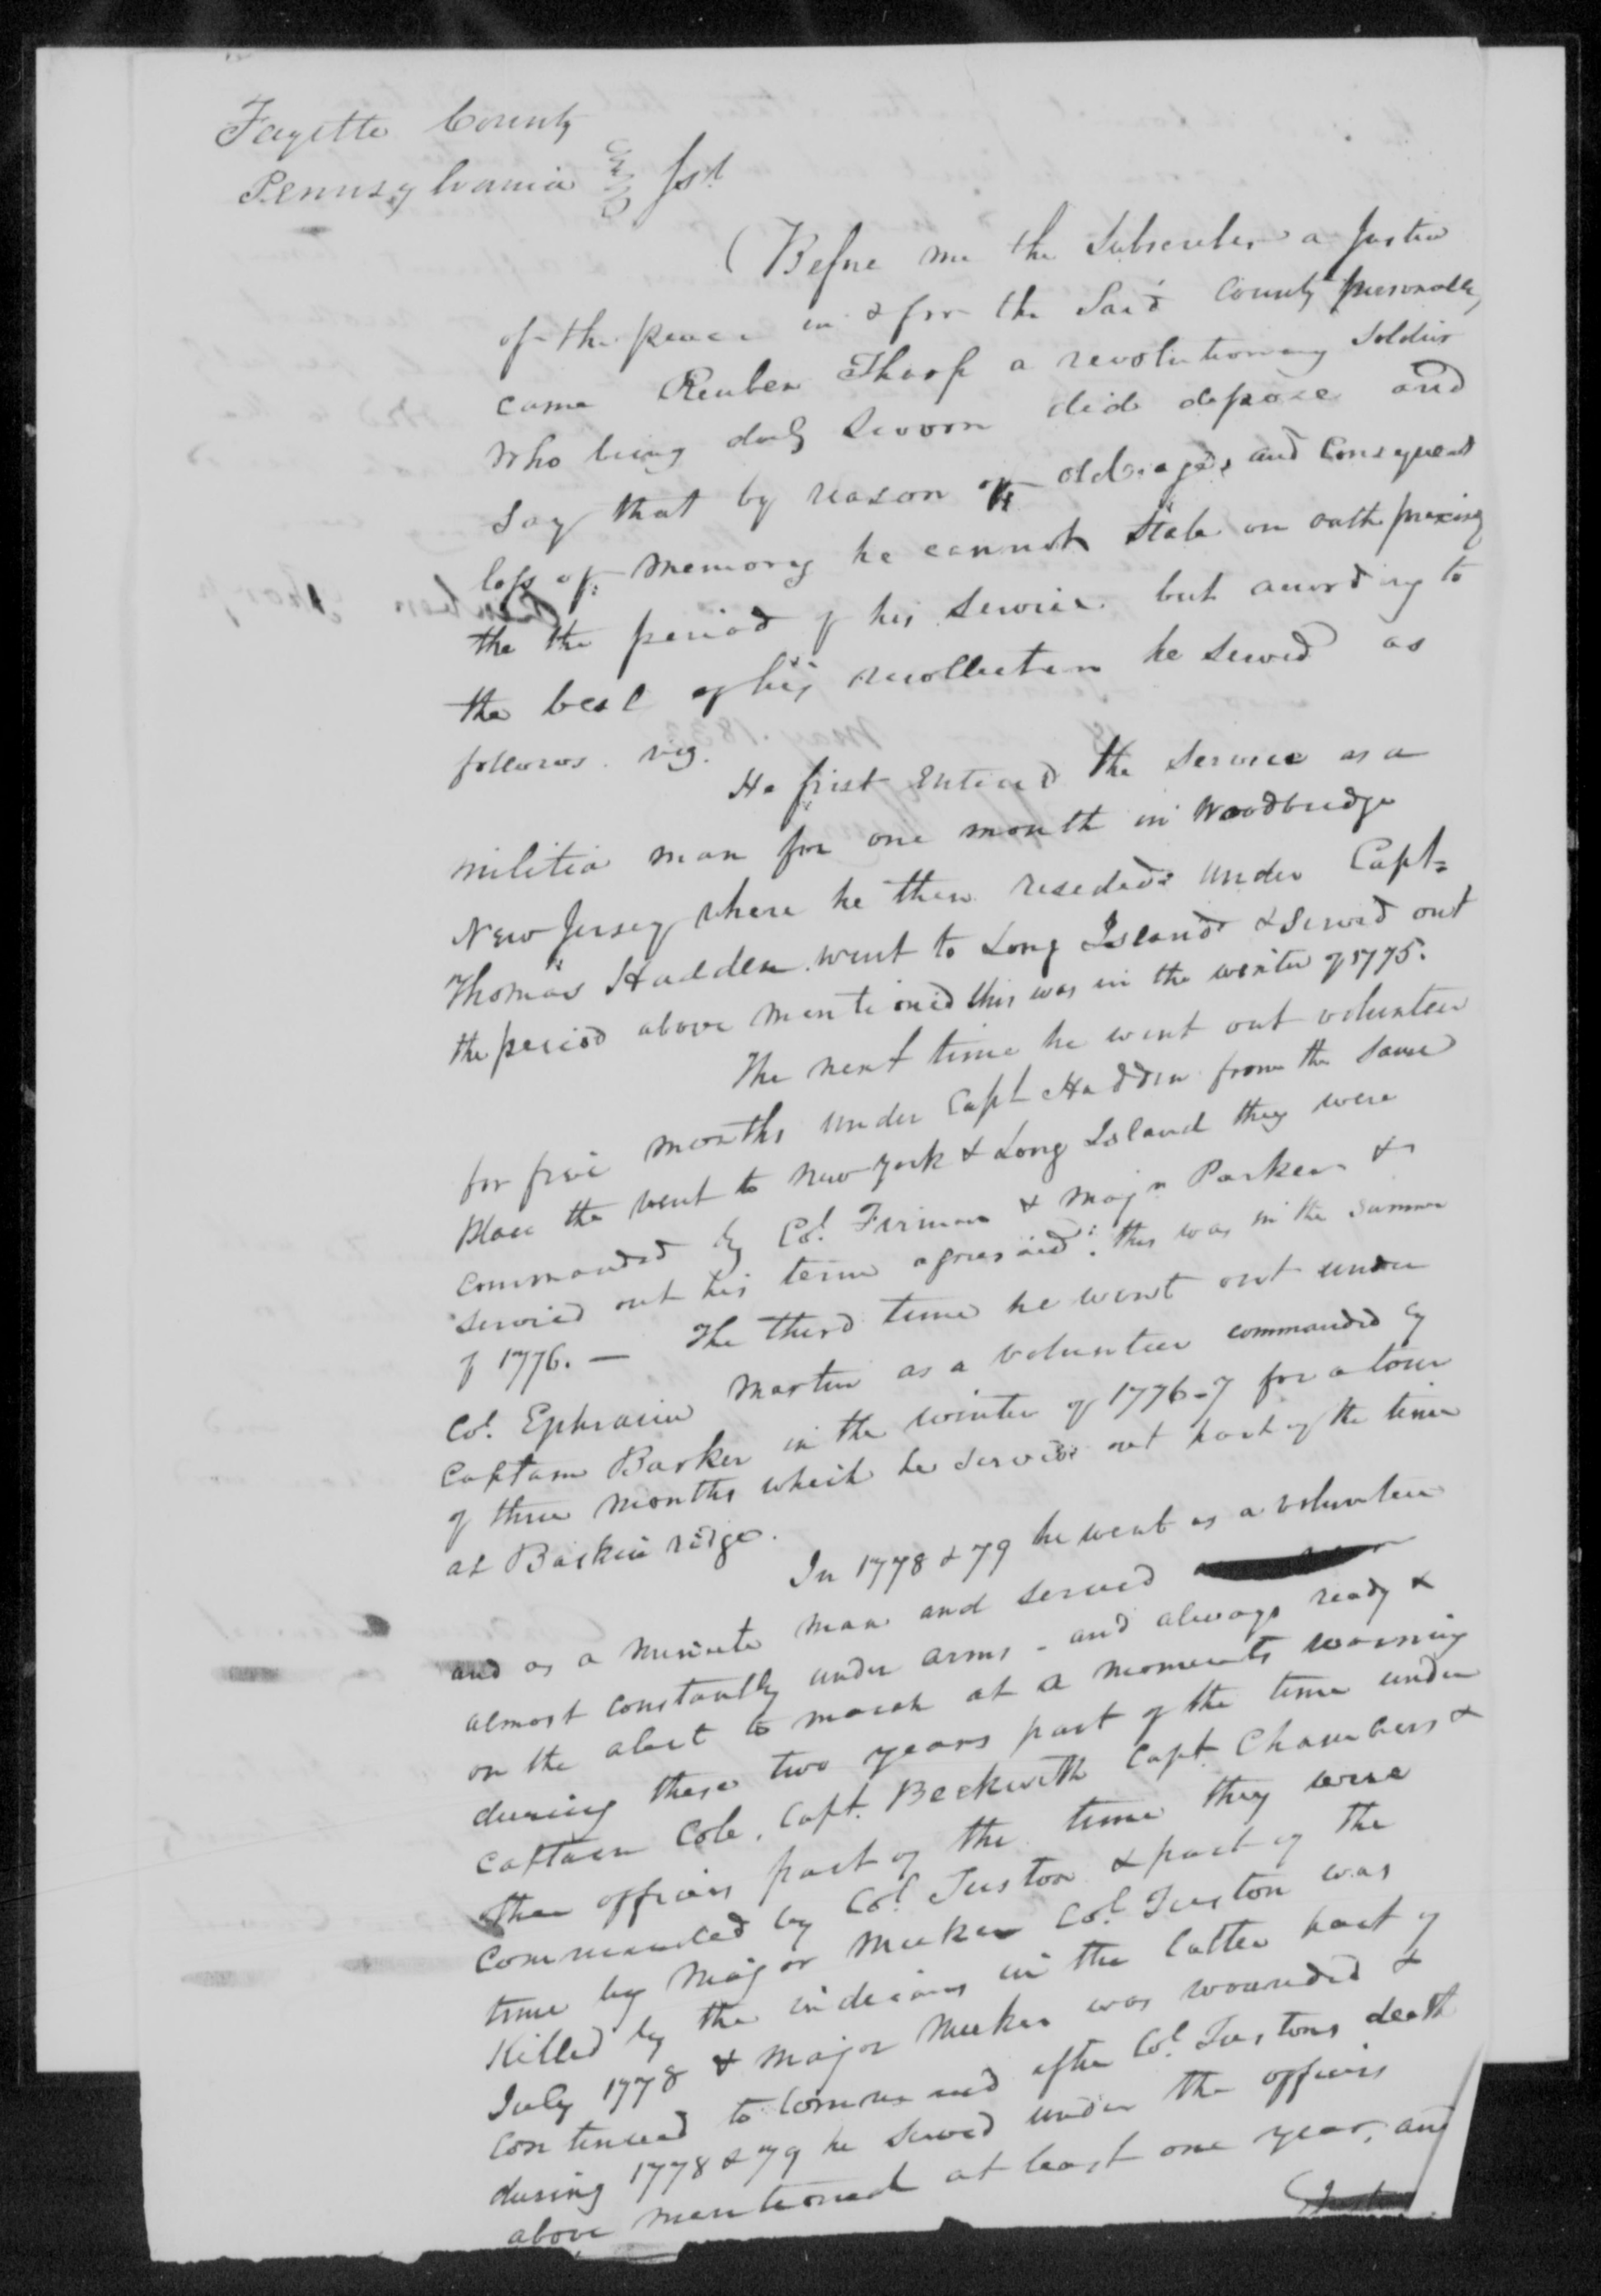Fayette County }
Pennsylvania }
Before me the Subscriber a Justice
of the peace
in & for the said County personally
Came
Reuben Thorp a revolutionary
Soldier
who being duly sworn did depose and
say that by reason of old age, and consequent
loss of memory he cannot state on oath [illegible]
the the period of his service but according to
the best of his recollection
he served as
follows viz
He first entered the service as a
militia man for one month in Woodbridge
New Jersey where he then resided under
Capt.
Thomas Hadden went to Long Island & served out
the period above mentioned this was in the winter of 1775.
The next time he went out volunteer
for five months under Capt Hadden from the same
Place he vent to new York & Long Island they were
Commanded by Col. Firmain & Major Parker &
served out his term aforesaid. this was in the summer
of 1776. The third time he went out under
Col. Ephraim Martin as a volunteer commanded by 
Captain Barker in the winter of 1776-7 for a tour
of three months which he served out part of the time
at Basking Ridge.
In 1778 & 79 he went as a volunteer
and as a minute man and served
almost constantly under arms and always ready &  
on the alert to march at a moments warning
during these two years part of the time under 
Captain Cole, Capt Beckwith Capt Chambers &
other officers part of the time they were
commanded by Col Tuston & part of the
time by Major Meeker Col. Tuston was
Killed by the indians in the latter part of
July 1778 & Major Meeker was wounded &
continued to [illegible] and after Col. Tustons death
during 1778 & 79 he served under the officers
above mentioned at least one year, and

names: [BLANK] Parker; Thomas Hadden; [BLANK] Tuston; [BLANK] Hadden; Reuben Thorp; [BLANK] Barker; [BLANK] Tuston; [BLANK] Meeker; [BLANK] Forman; [BLANK] Meeker; [BLANK] Chambers; Ephraim Martin; [BLANK] Tuston; [BLANK] Beckwith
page: 23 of 28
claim: survivor's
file: S. 6229, for Reuben Thorp, New Jersey